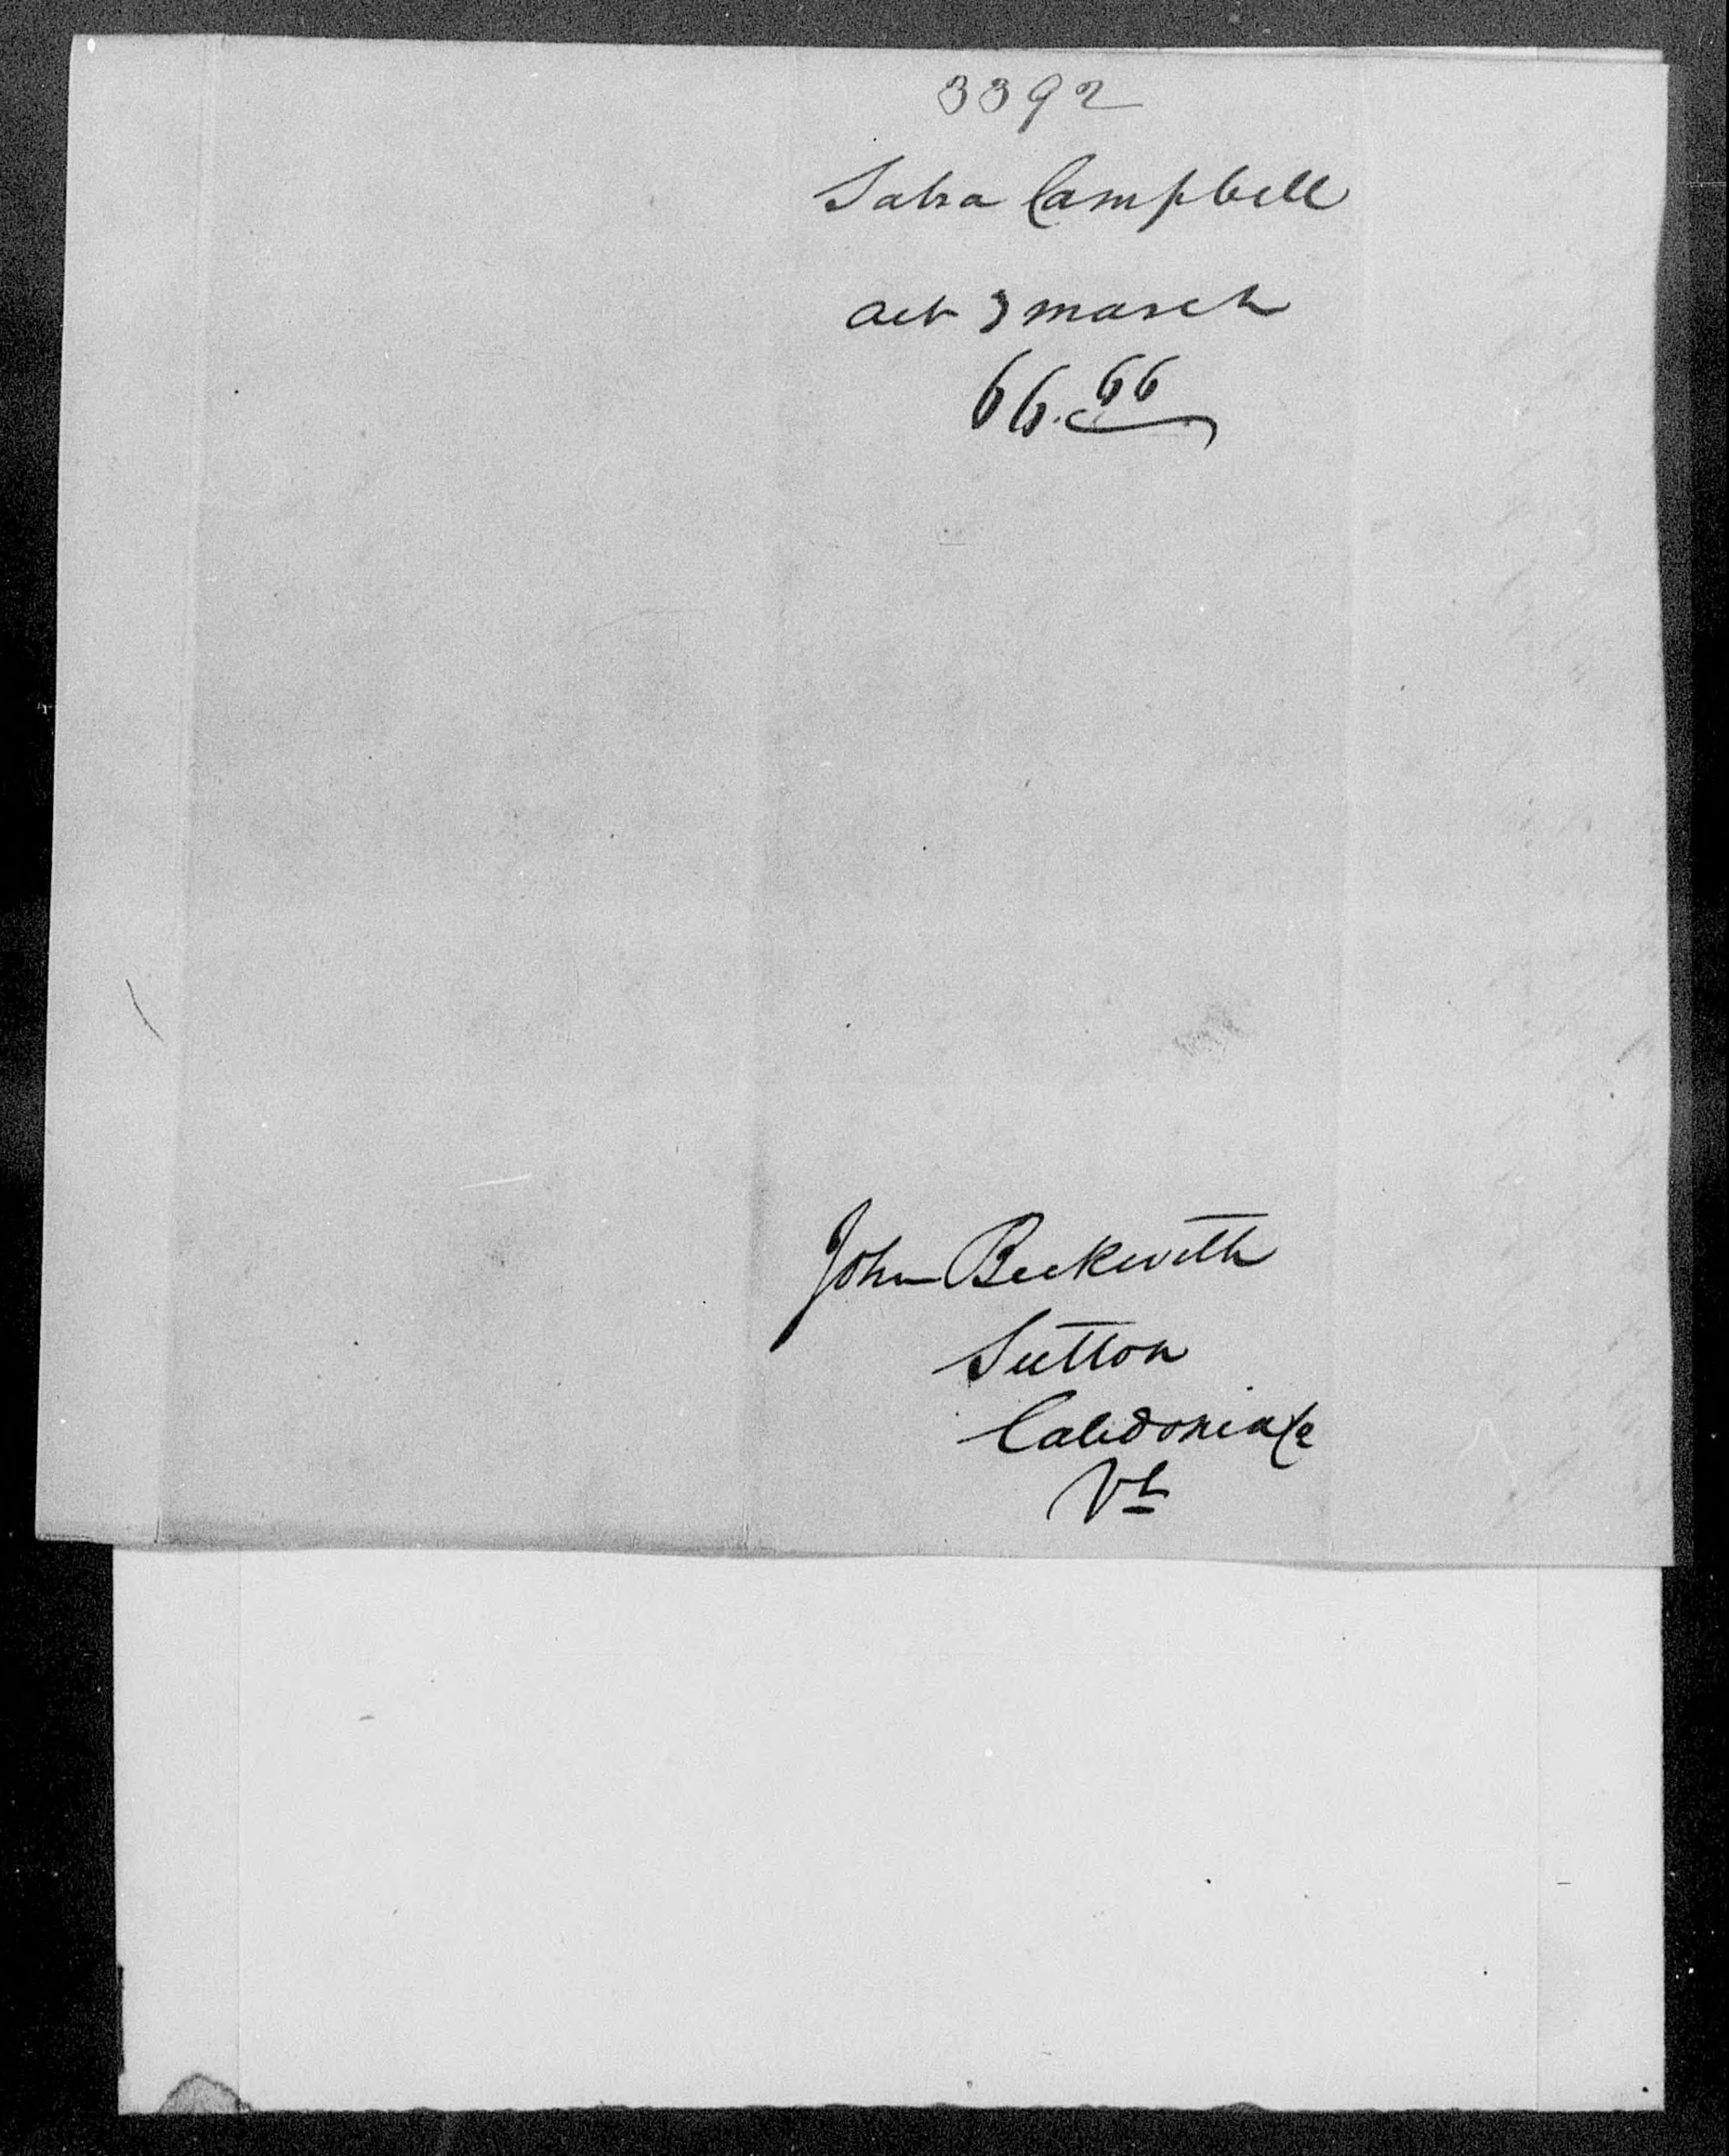3392
Sabra Campbell
act 3 March
66.66


John Beckwith
Sutton
Caledonia
Vt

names: Sabra Campbell, John Beckwith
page: 25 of 67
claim: widow's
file: W. 23772, James Campbell, Continental Mass.